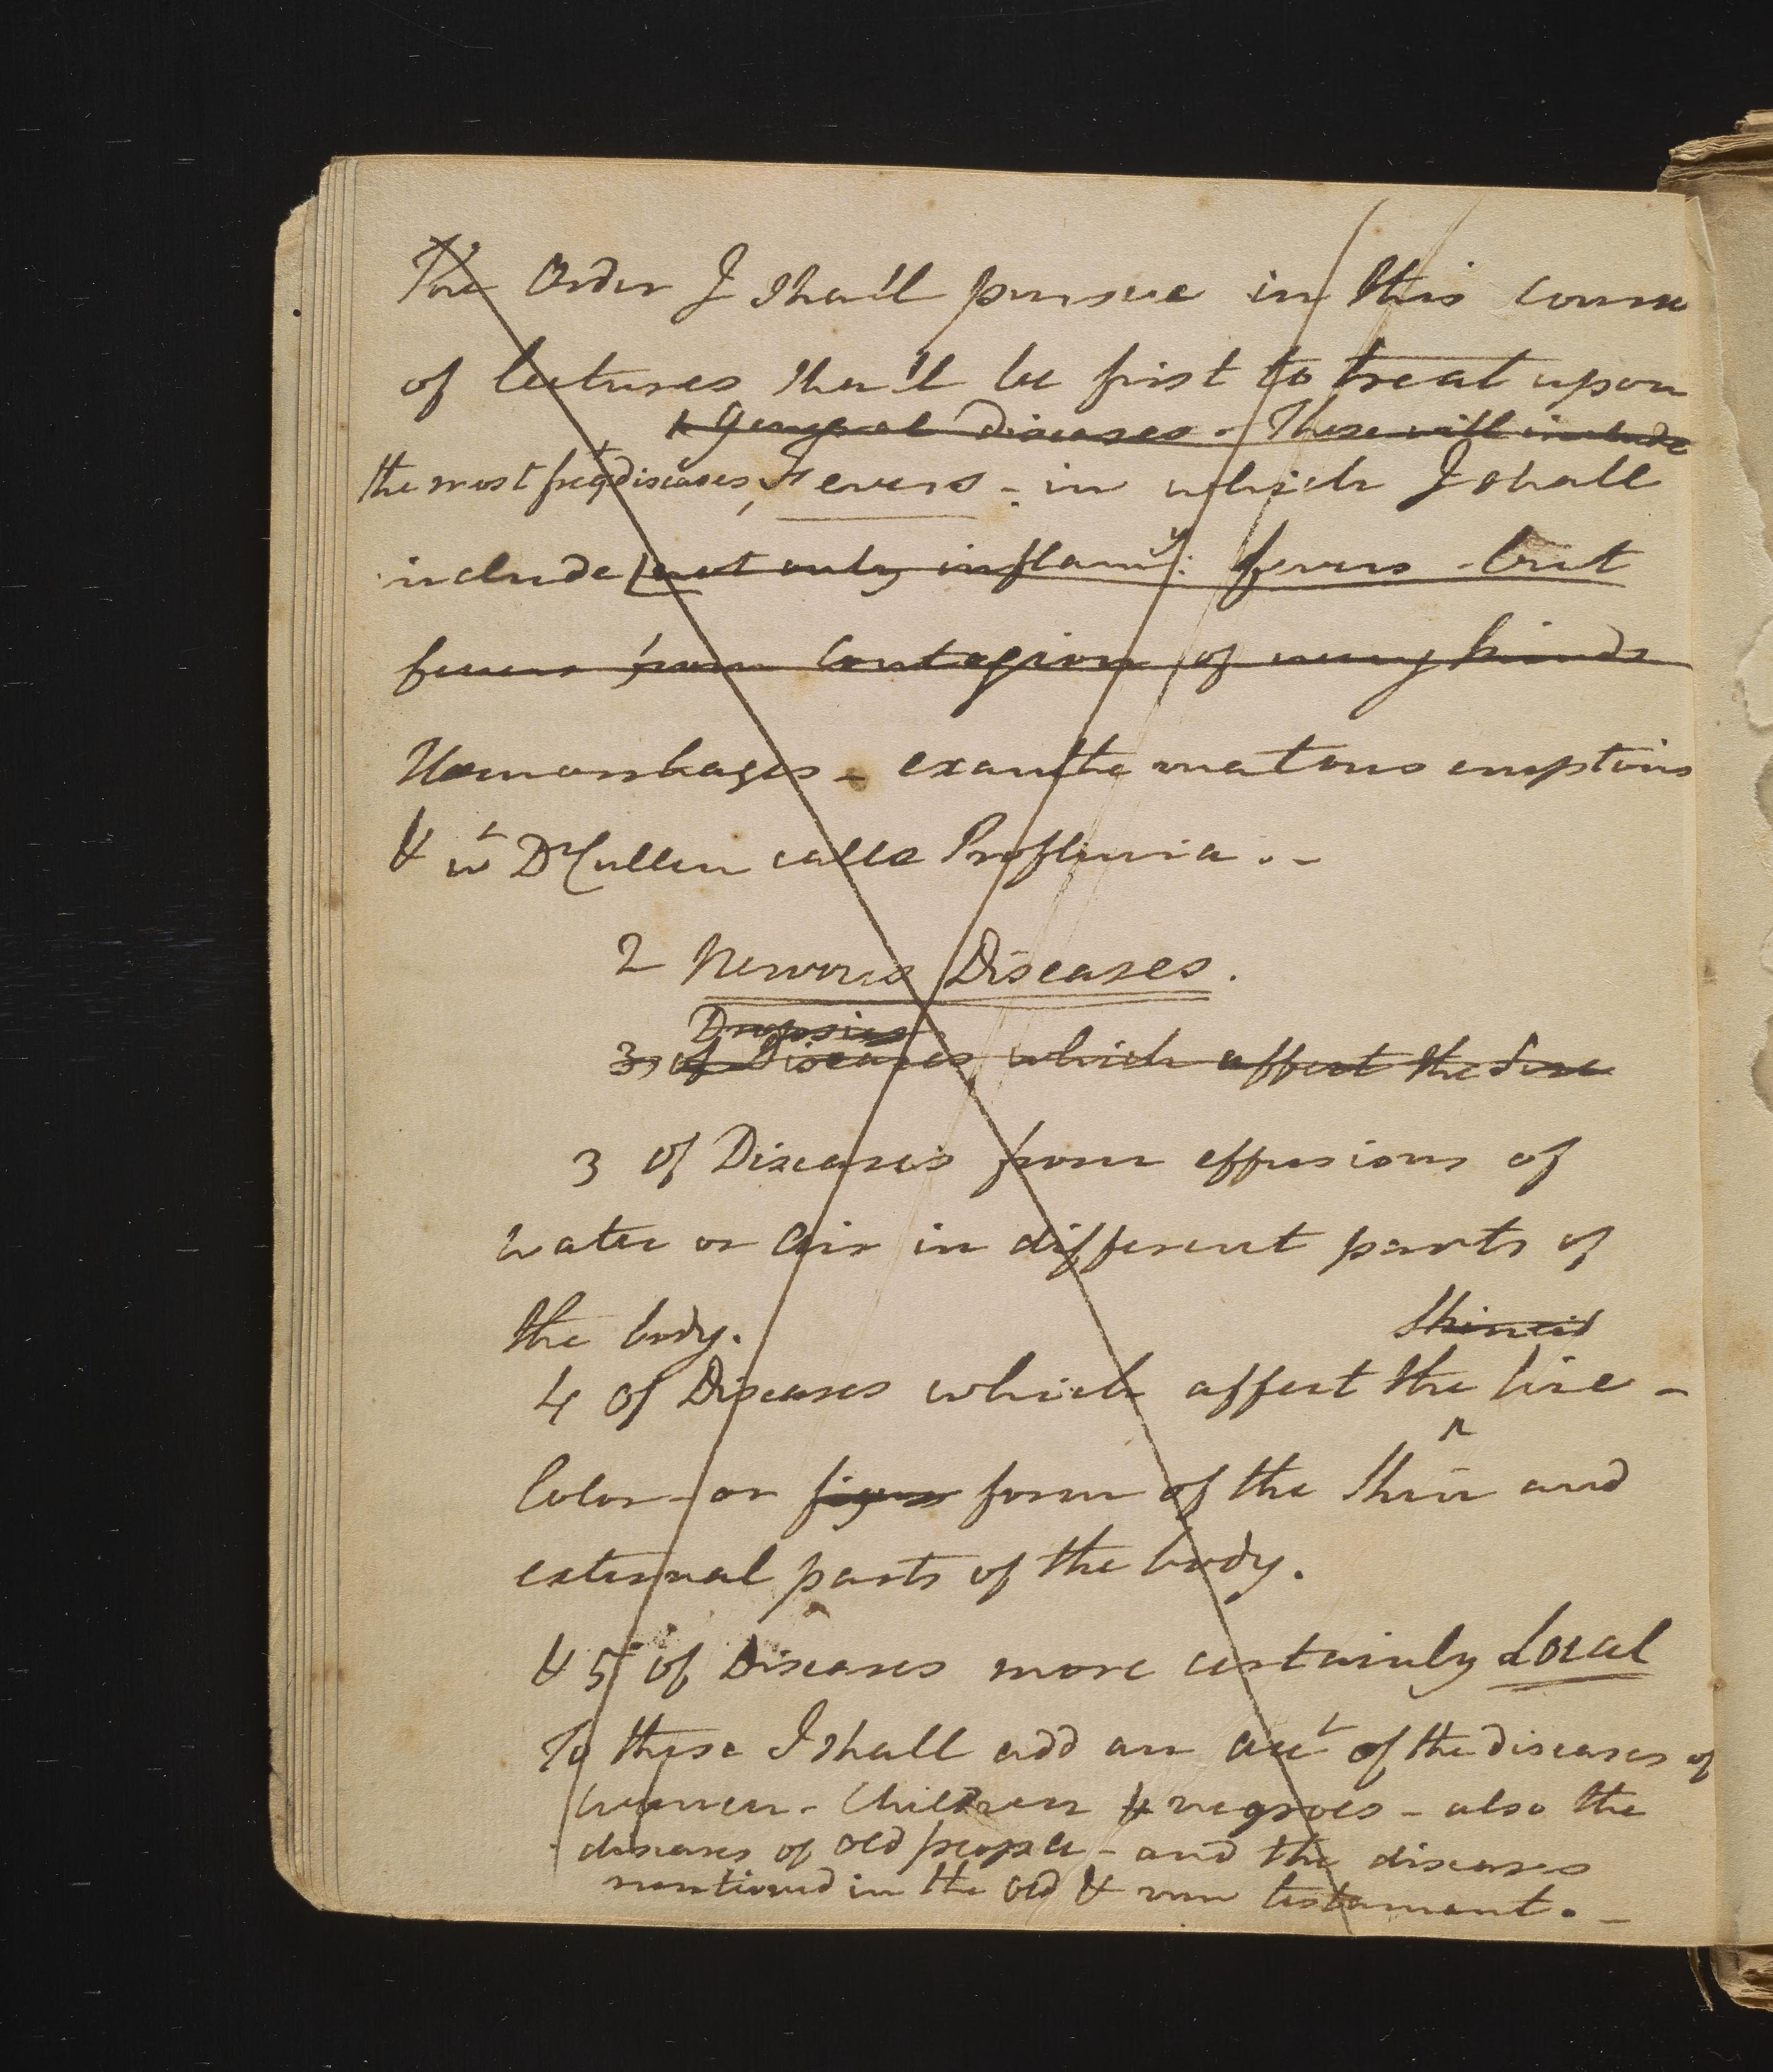The order I shall pursue in this course
of lectures shall be first to treat upon
general disease. These will include
the most freq^t diseases, fevers, in which I shall
include not only inflam^y fevers but
fevers from contagion of every kind
Hemorrhages, exam the maters eneptions
& w^h Dr. Cullen calls Proflieria.
2 Nervous Diseases
[Diagnosis]
[3 of Diseases which affect the Sen]
3 of Diseases from effusions of
water or air in different parts of
the body.
Shivers
4 of Diseases which affect the ^ fire,
color, or [figure] form of the skin and
external parts of the body.
& 5 of diseases more certainly Local
To these I shall add are of the diseases of
women- children, & negroes- also the
diseases of old people- and the diseases
mentioned in the old & new testament.